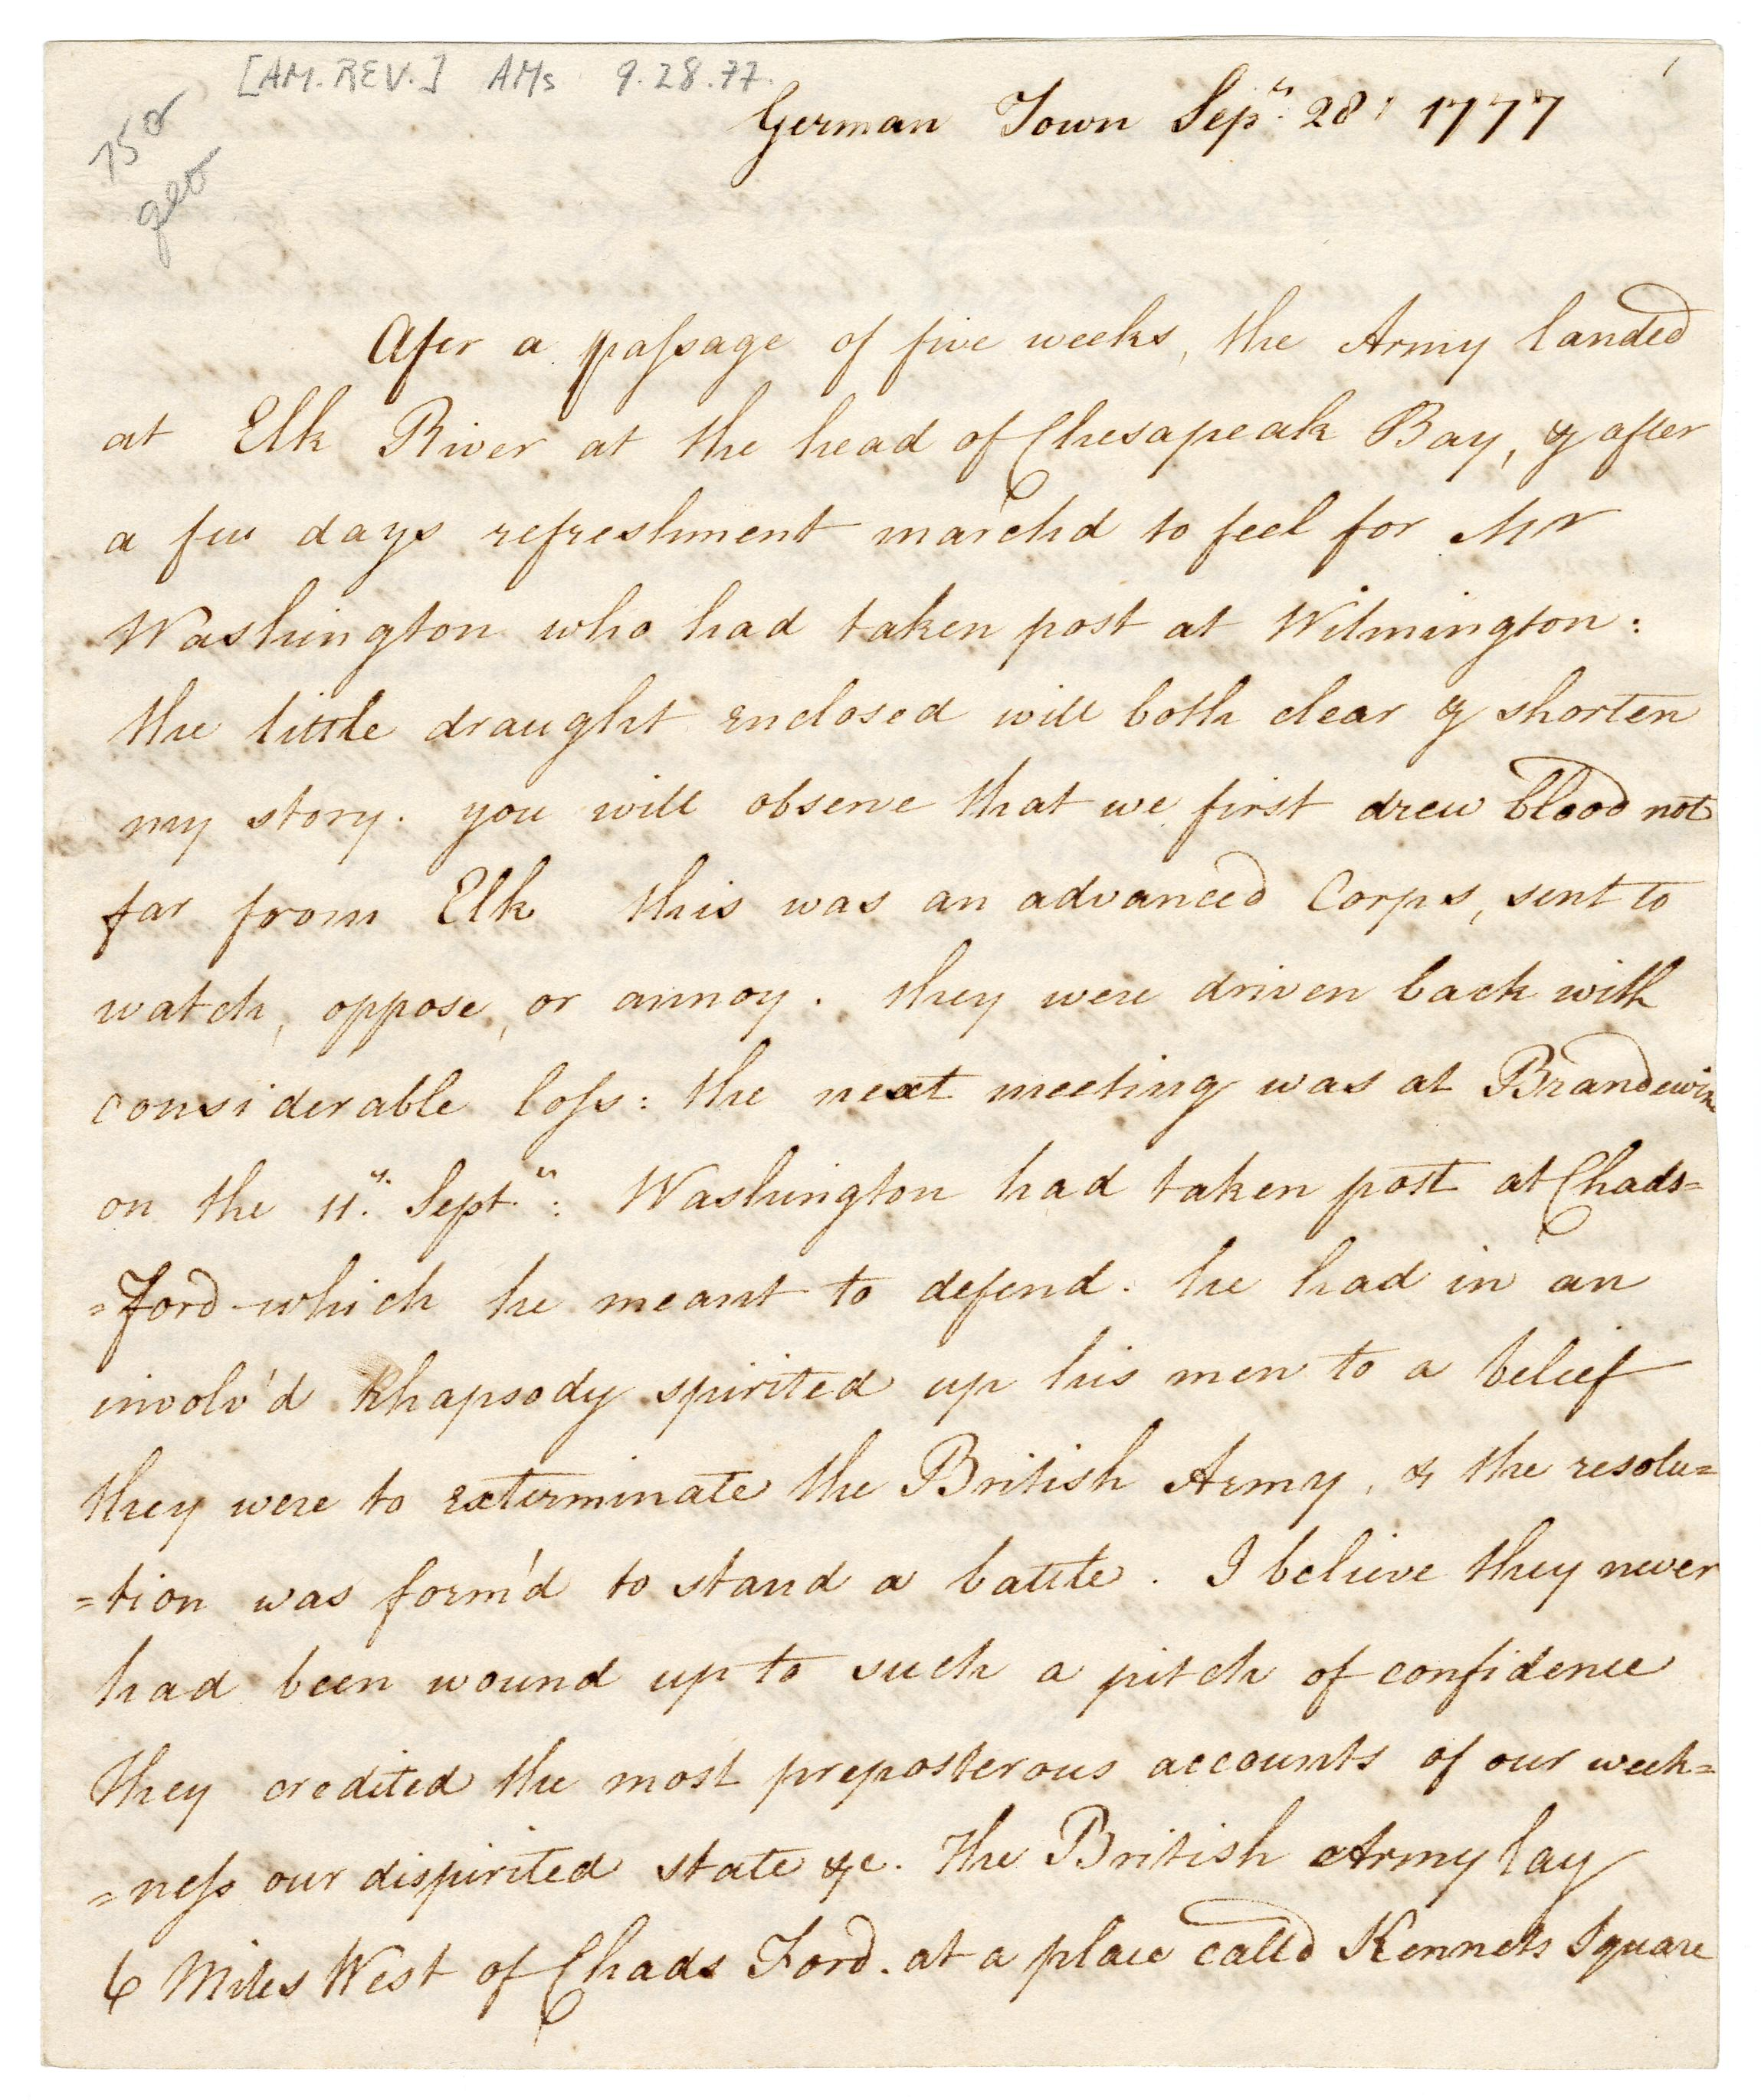German Town Sep^tr. 28: 1777
Afer a passage of five weeks, the Army landed
at Elk River at the head of Chesapeak Bay, & after
a few days refreshment marchd to feel for M^r
Washington who head taken post at Wilmington:
the little draught enclosed will both clear & shorten
my story. you will observe that we first drew blood not
far from Elk this was an advanced Corps, sent to
watch, oppose or annoy. they were driven back with
considerable loss: the next meeting was at Brandewine
on the 11^th. Sept^r: Washington had taken post at Chads-
-ford which he meant to defend. he had in an
involv'd Rhapsody spirited up his men to a belief
they were to exterminate the British Army, & the resolu-
-tion was form'd to stand a battle. I believe they never
had been wound up to such a pitch of confidence
they credited the most preposterous accounts of our week-
-ness our disprited state &c. The British Army lay
6 Miles West of Chadds Ford. at a place calld Kennets Square